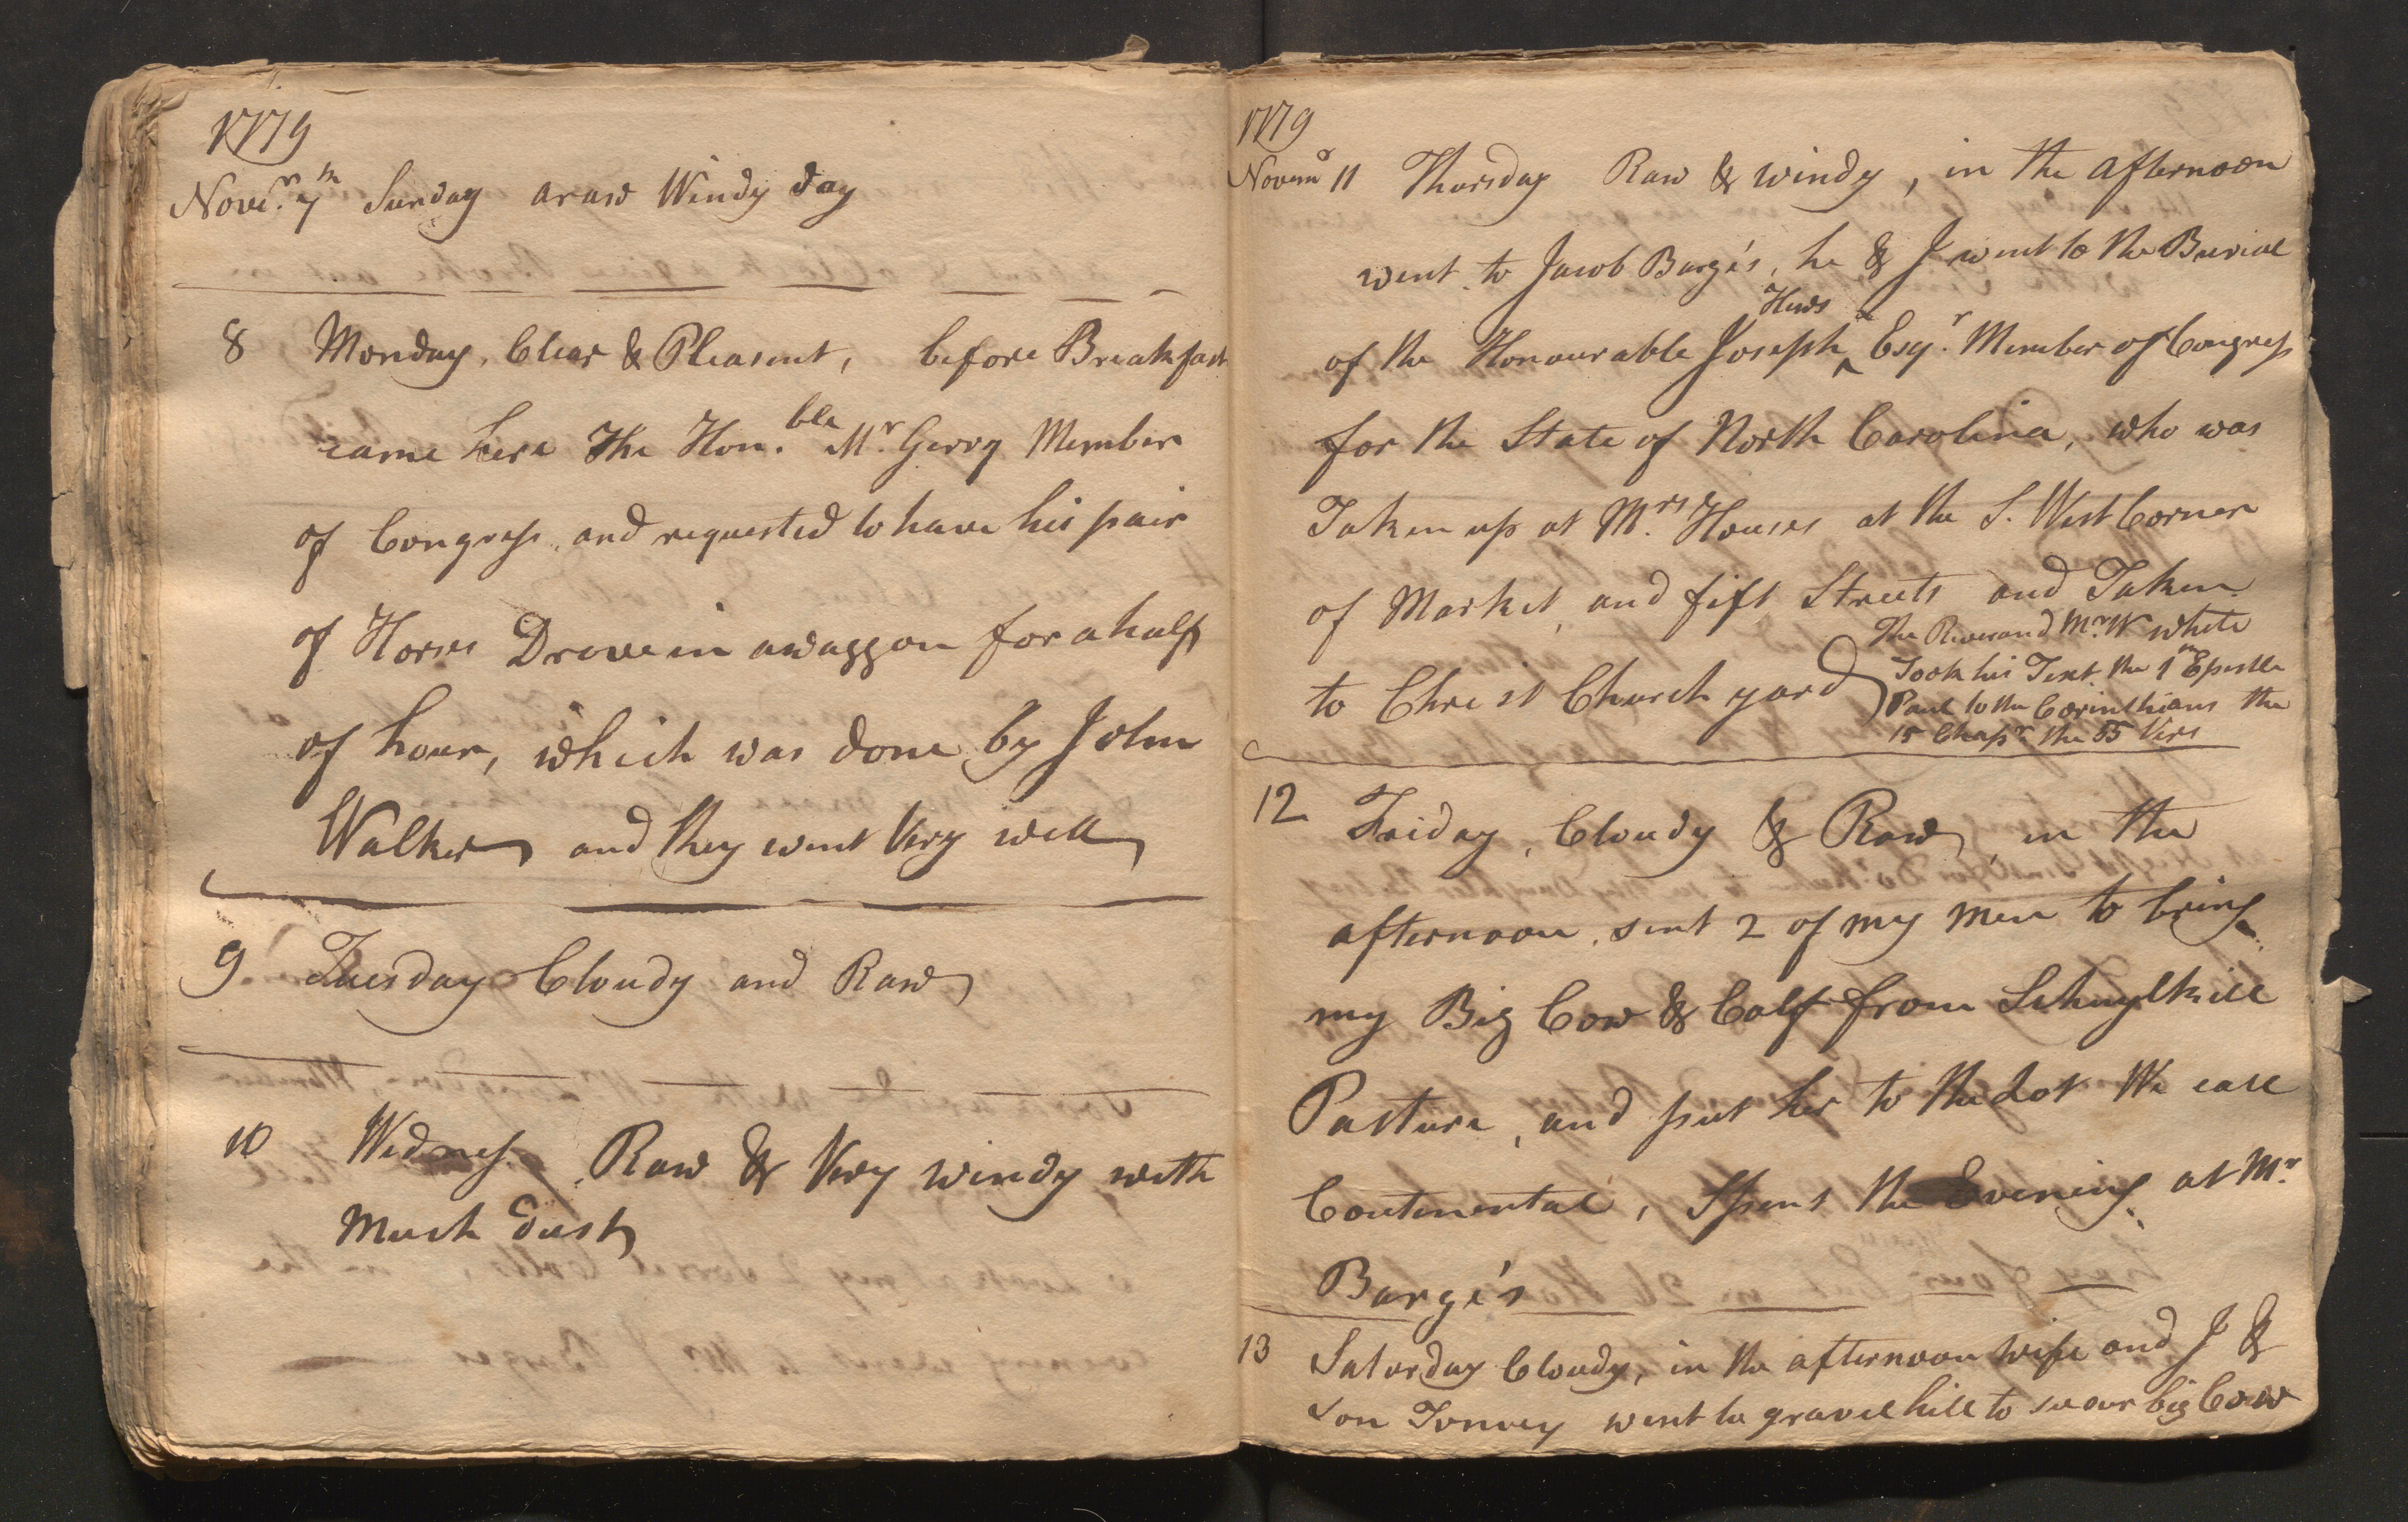1779
Nove^r. 7^th Sunday a raw Windy day
8 Monday, Clear & Pleasent, before Breakfast
came here The Hon^ble. M^r. Gerry Member
of Congress and requested to have his pair
of Horses Drove in a waggon for a half
of hour, which was done by John
Walker and they went Very well
9 Tuesday Cloudy and Raw
10 Wednes Rew & Very windy with
Much dust
1779
Novem^r 11 Thursday Raw & windy, in the afternoon
went to Jacob Barge's, he & I wert to the Burial
Hews
of the Honourable Joseph ^ Esq^r. Member of Congress
for the State of North Carolina, who was
Taken up at M^rs. Houses at the S. West Corner
of Market and fift Streets and Taken
to Christ Church yard
The River and M^r. W white
Took his Text the 1^th Epistle
Paul to the Corinthians the
15 Chap^r the 55 Vers
12^th Friday Cloudy & Raw, in the
afternoon. sent 2 of my men to bring
my Big Cow & Calf from Schuylkill
Pasture, and put her to the Lot We call
Continental, spent the Evening at M^r.
Barge's
13 Saturday Cloudy, in the afternoon wife and I &
Son Tomey went to gravel hill to see our big Cow